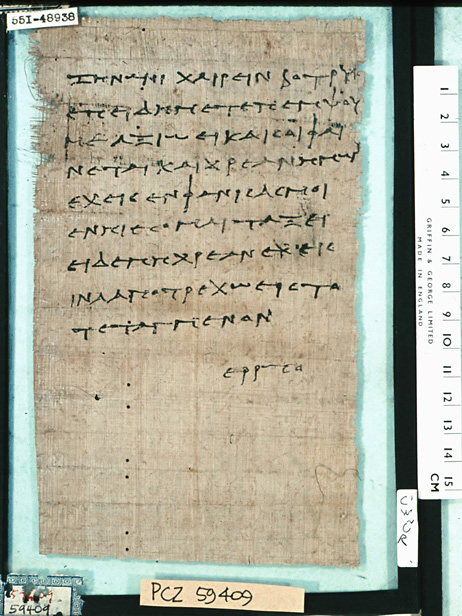ζηνωνι χαιρειν βοτρυιϲ
επειδημετεπεμψου
μεαξιωεικαιϲοιφαι
νεταικαιχρεανημων
εχειϲεμφανιϲαϲμοι
ενηιεϲομαιταξει
ειδεμηχρεανεχειϲ
ινααποτρεχωειϲτο
τεταγμενον
ερρωϲο